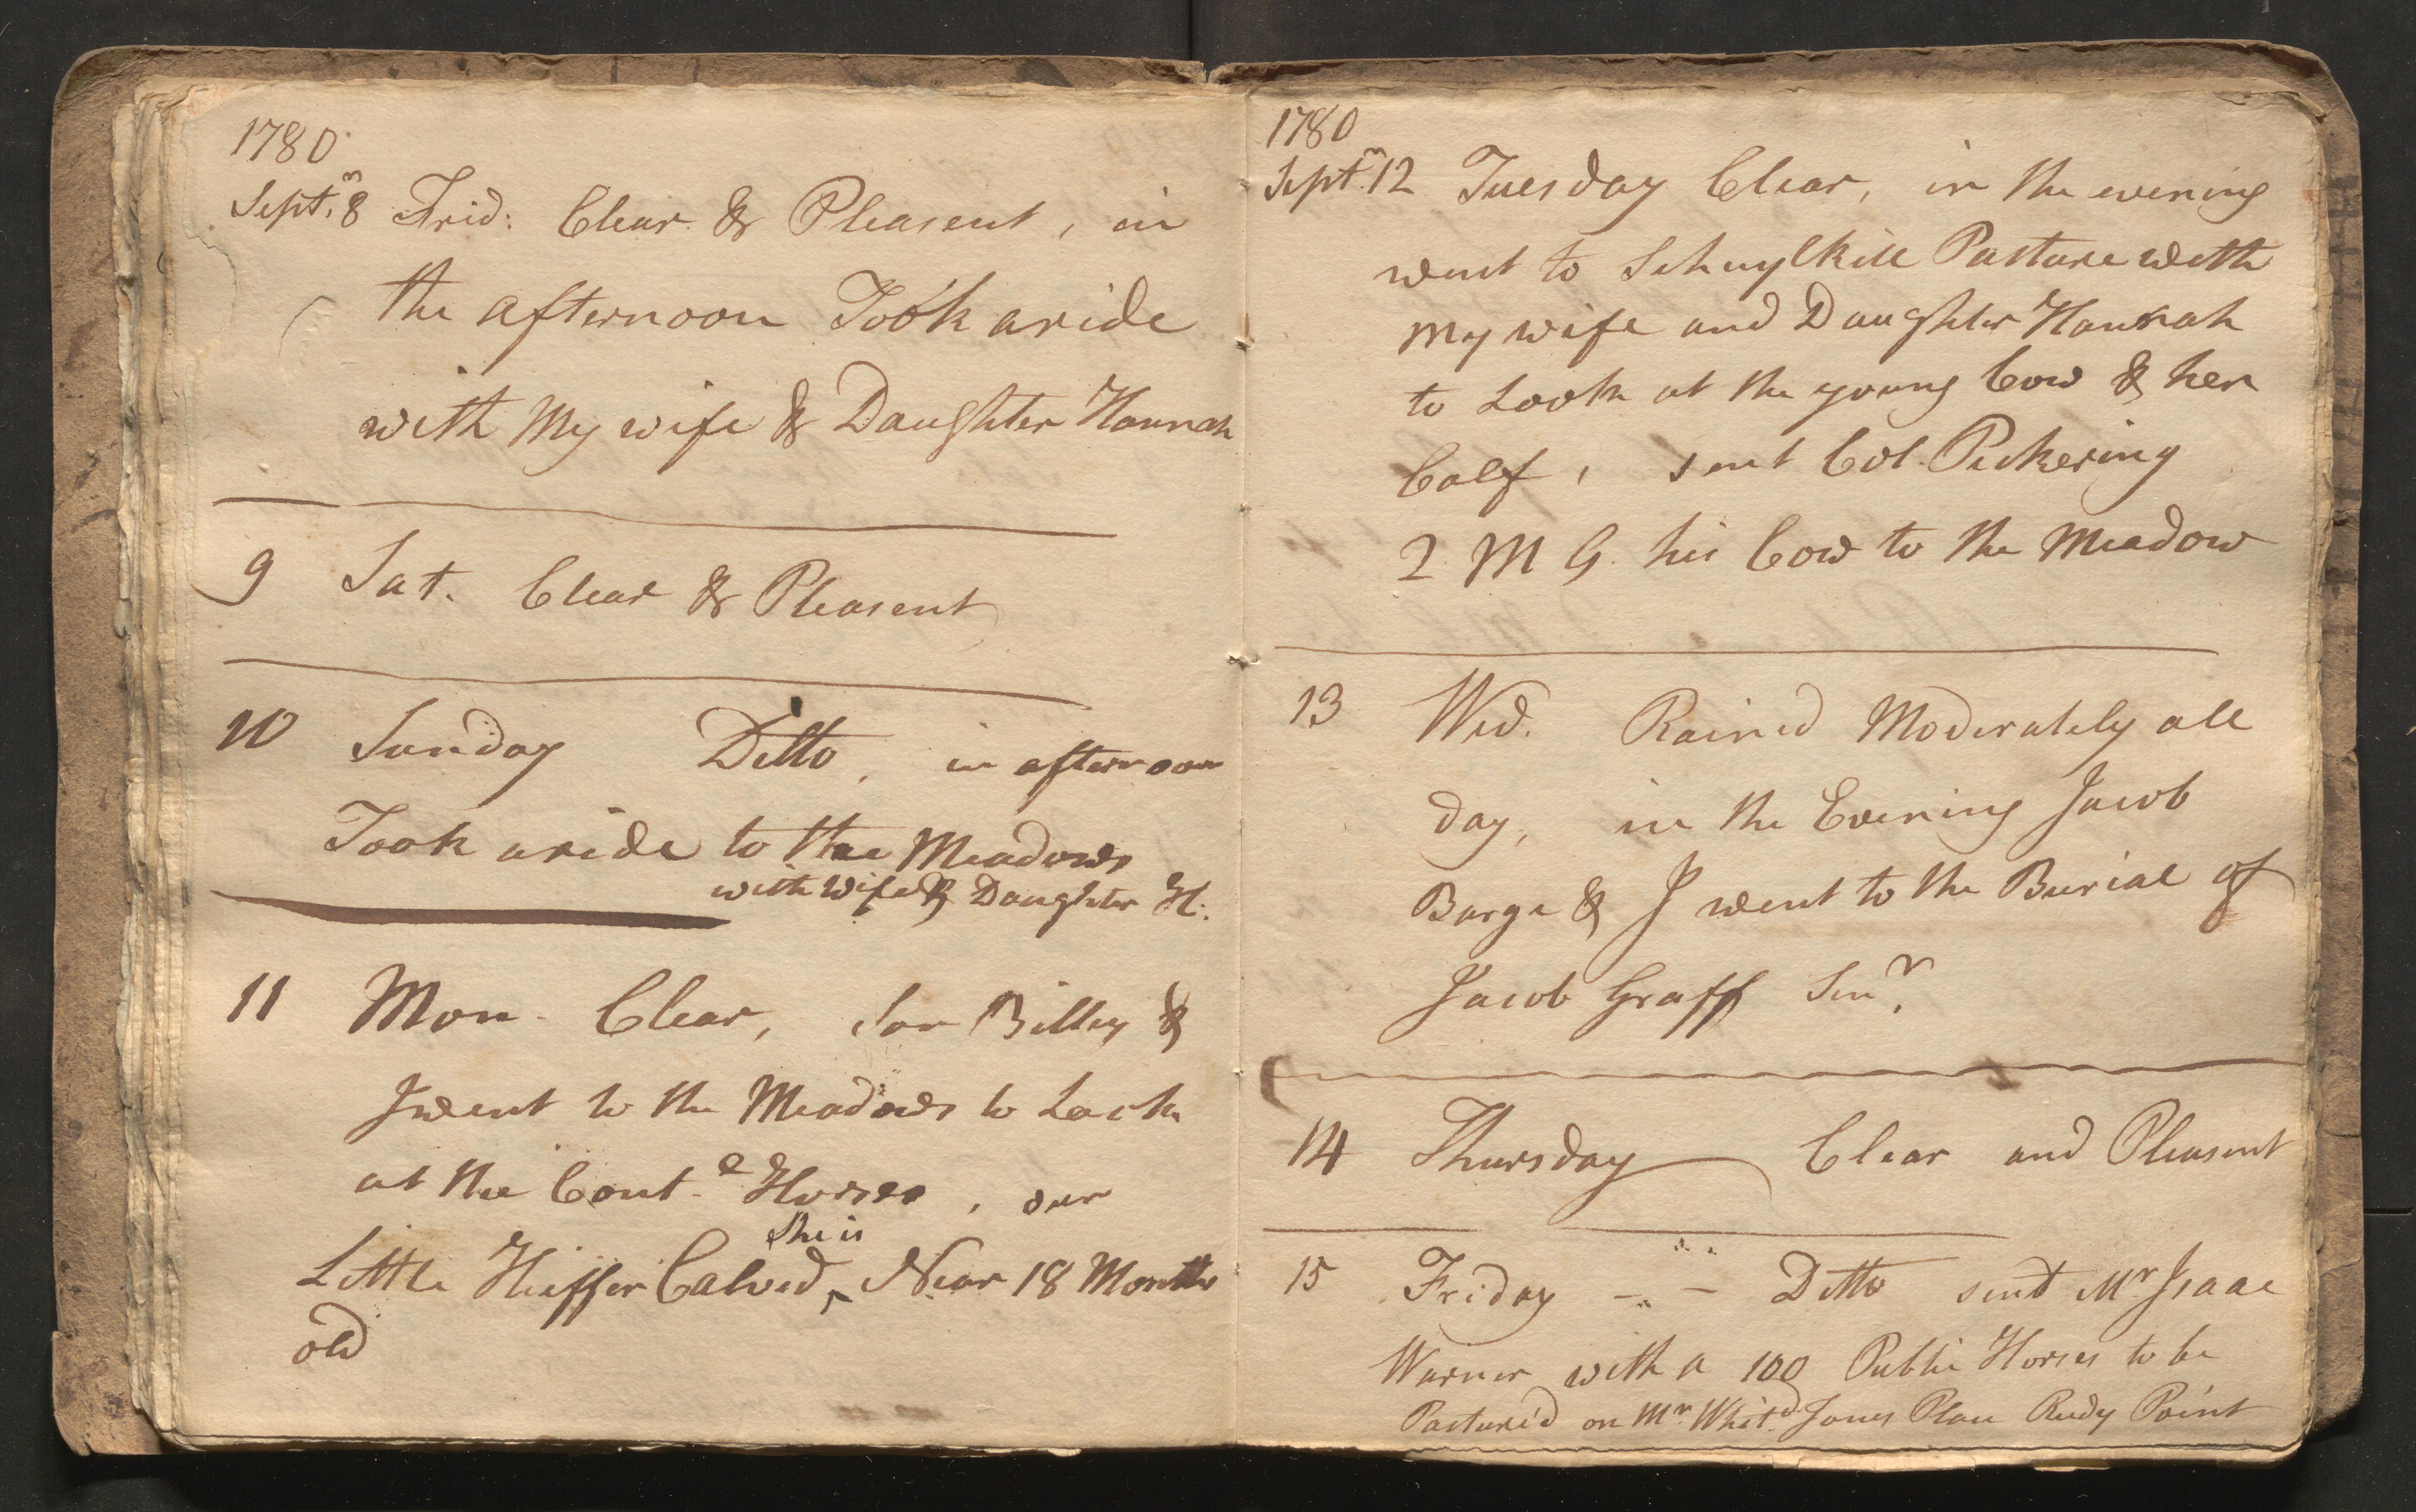1780
Sept^r. 8 Frid: Clear & Pleasent, in
the afternoon Took a ride
with My wife & Daughter Hannah
Sat. Clear & Pleasent
10 Sunday Ditto in afternoon
Took a ride to the Meadows
with wife & Daughter H.
11 Mon. Clear, Son Billey &
I went to the Meadows to Look
at thee Cont^l. Horses, our
She is
Little Heiffer Calved, Near 18 Months
old
1780
Septr 12 Tuesday Clear, in the evening
went to Schuylkill Pasture with
my wife and Daughter Hannah
to Look at the young Cow & her
Calf, sent Col. Pickering
QMG. his Cow to the Meadow
13 Wed. Rained Moderately all
day, in the Evening Jacob
Barge & I went to the Burial o
Jacob Graff Sen^r.
14 Thursday- Clear and Pleasent
15 Friday- Ditto sent M^r. Isaac
Warner with a 100 Public Horses to be
Pasture'd on M^r. Whit^d. Jones Place Reedy Point